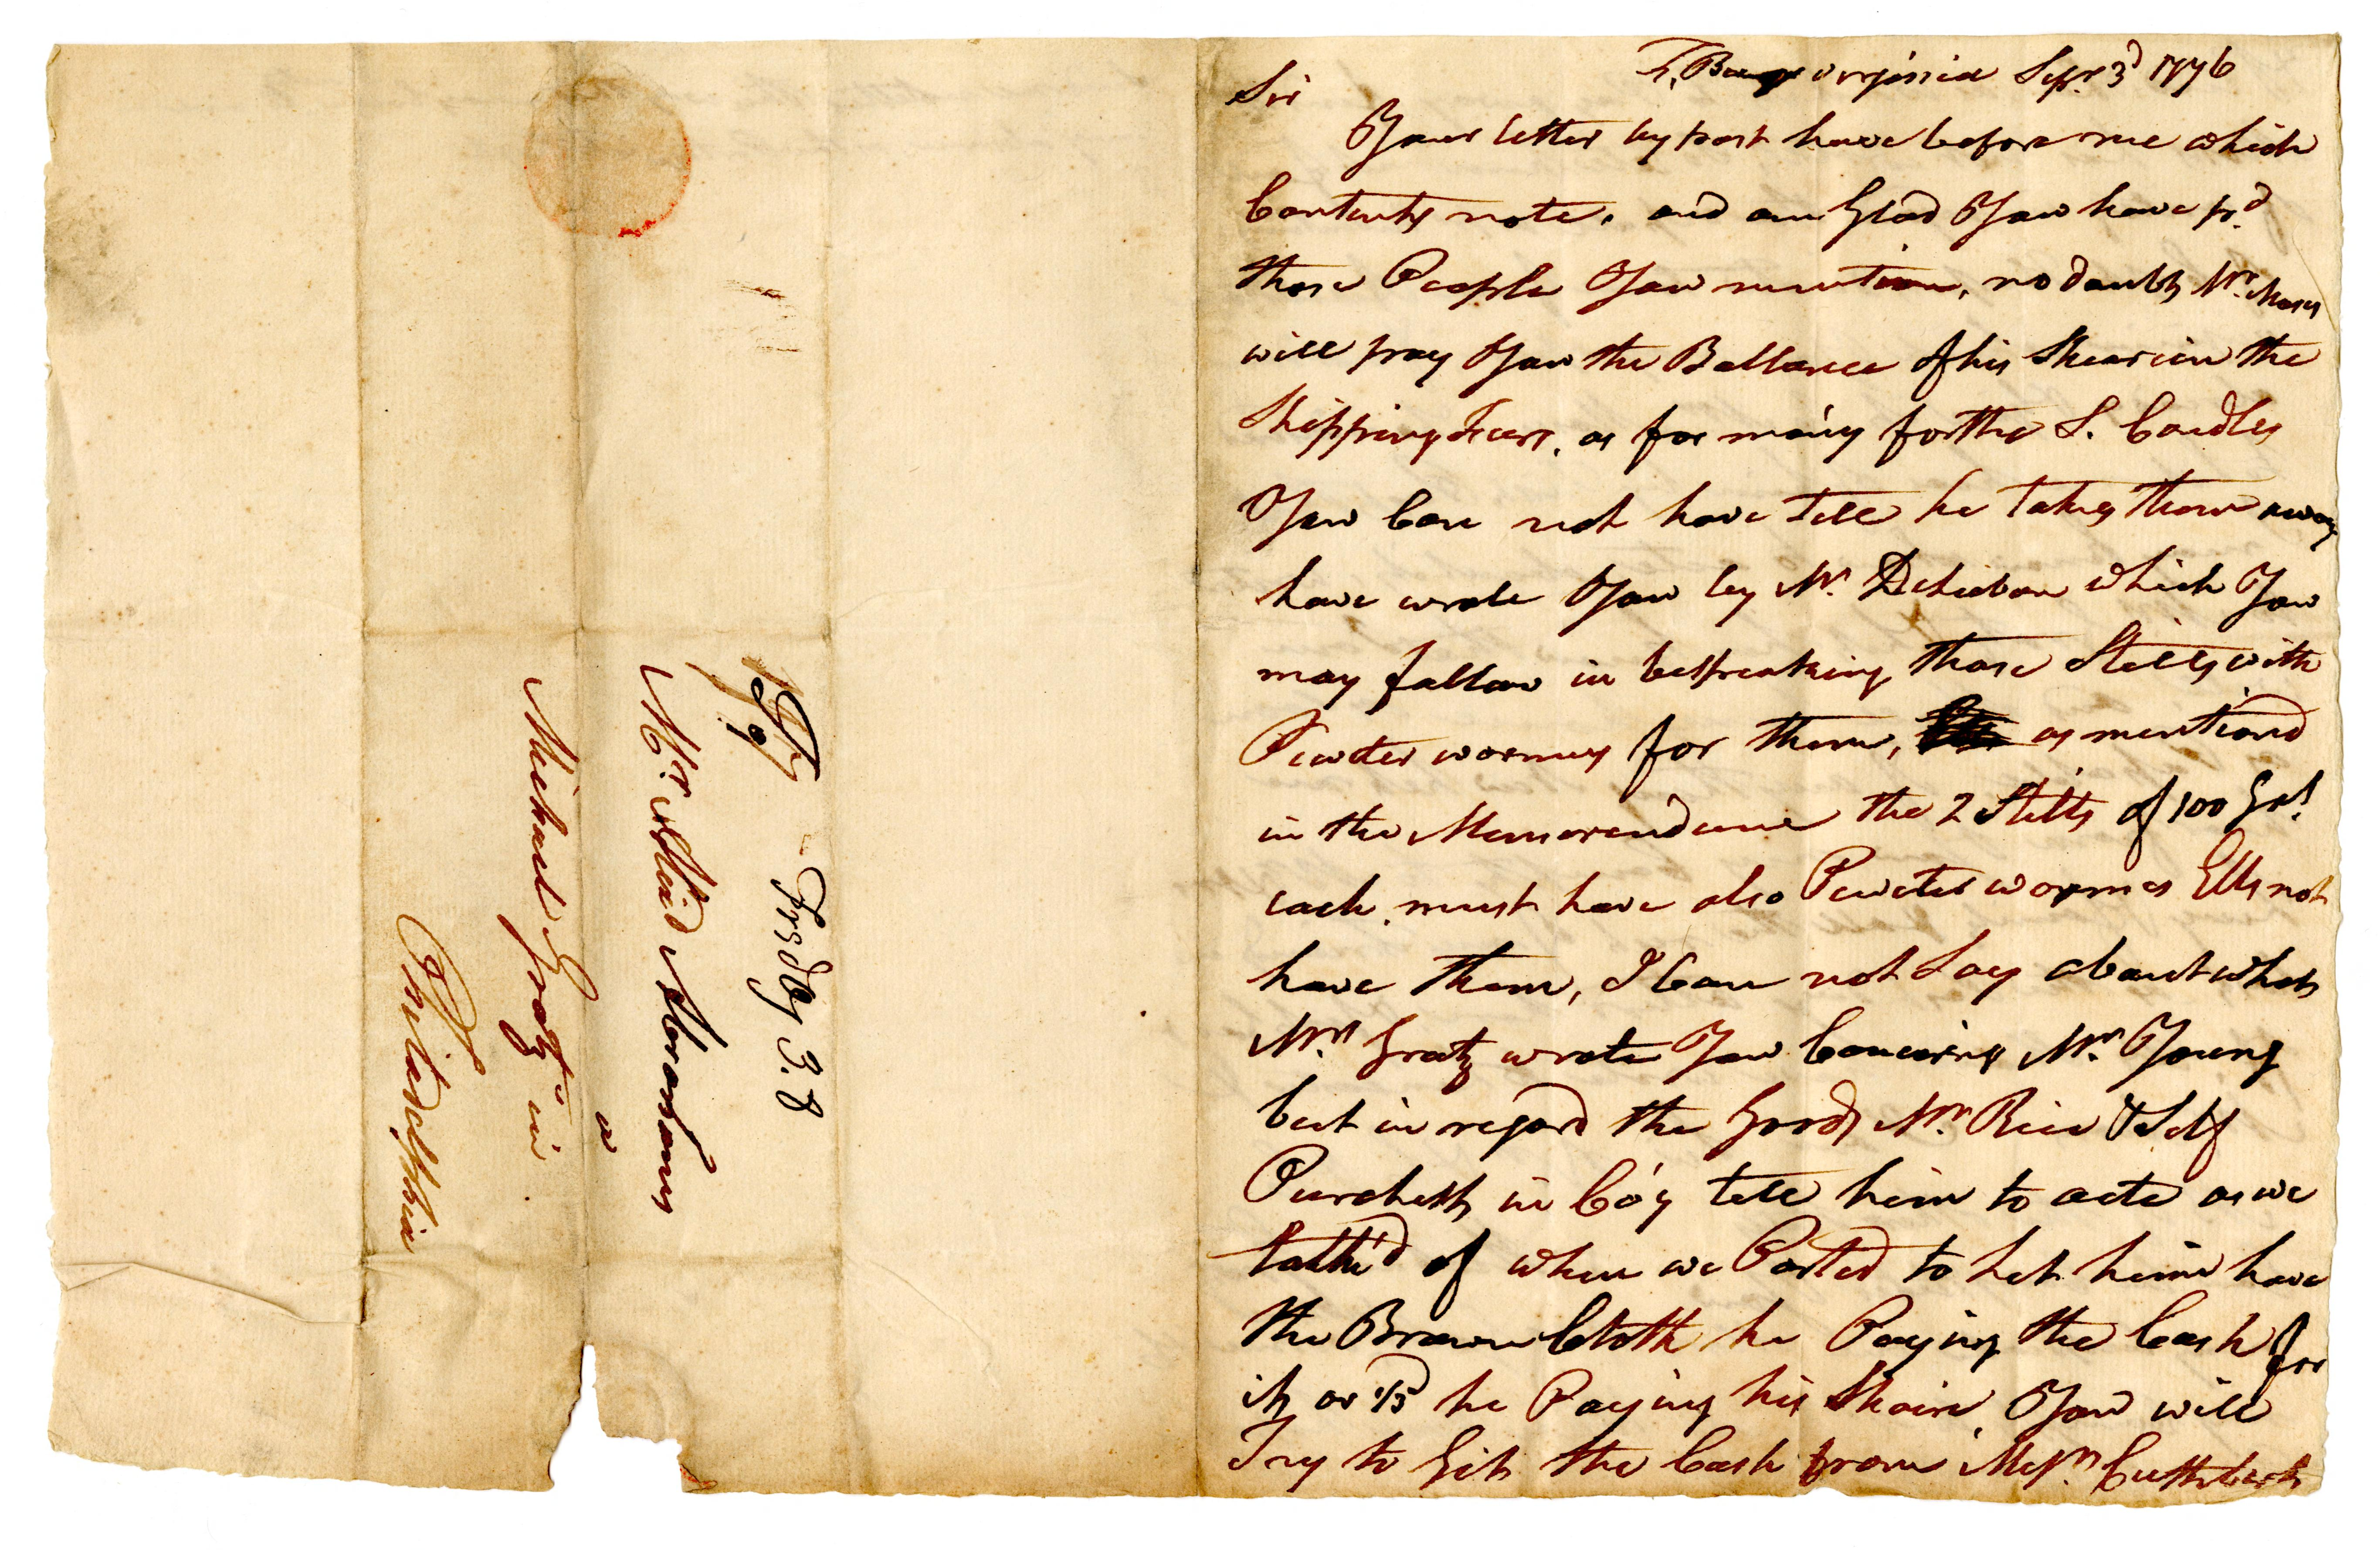To
Frsdg 3. 8
M^r Alex^d Abraham
Michael Gratz in
Philadelphia
F.burg virginia Sep^r. 3^d 1776
Sir,
Your letter by post have before me which
Contents note, and am Glad you have p^d.
those People you mention, no debts M^r. Moses
will pay you the Balanace of his Shear in the
Shipping Furs, as for moving for the S. Candles
You can not have till he takes them away
have wrote you by M^r Delaborn which you
may follow in bespeaking those Stills with
Pewter worms for them, [___] as mentiond
in the Memorandum the 2 Stills of 100 Sr^g.
each, must have also Pewter worms Ells not
have them, I Can not Say about what
M^r. Gratz wrote you concerning M^r. Young
but in regard the Goods M^r Rice & Self
purchase in go'g tell him to acte as we
talk'd of when we Parted to Let him have
the Brown Cloth he Paying the Cash for
it or 1/3^d he Paying his share you will
say to Git the Cash frome Mess^rs Cuthbert